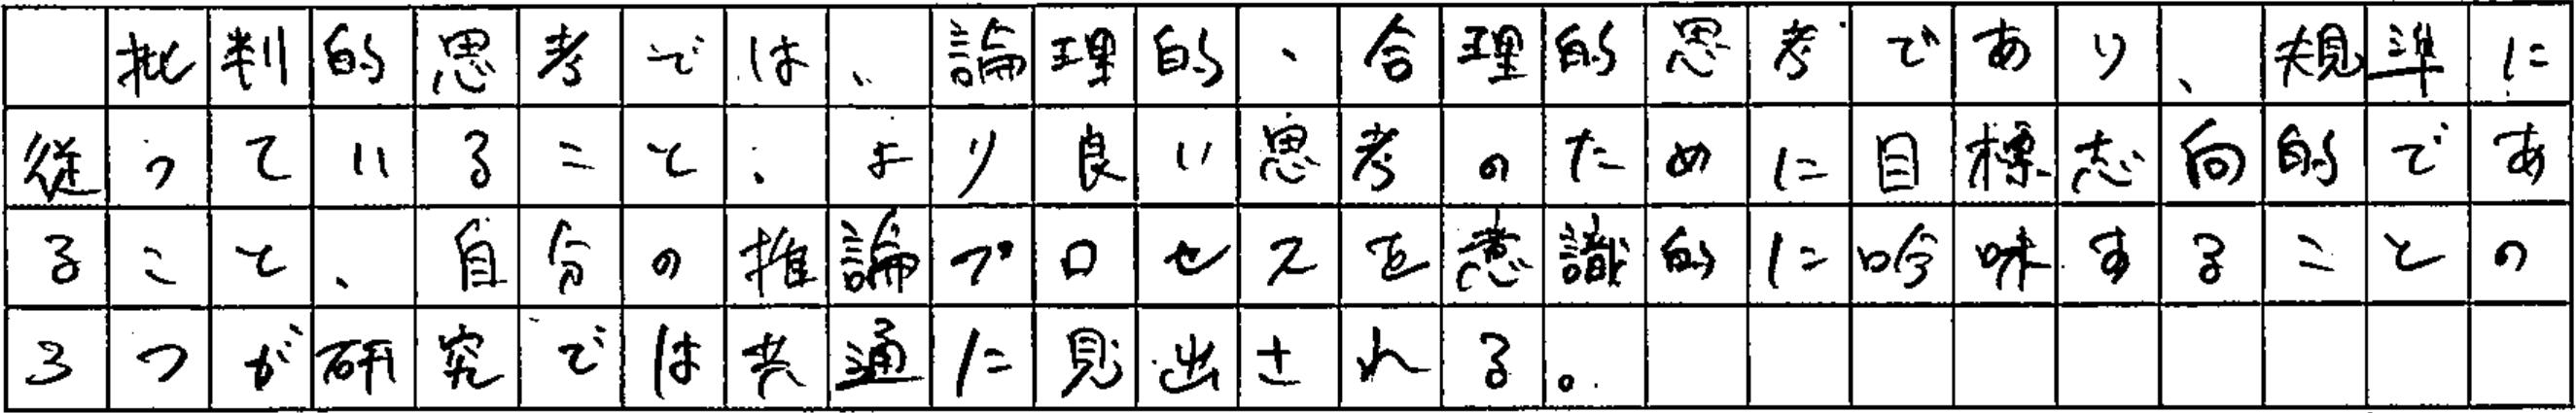　批判的思考では、論理的・合理的思考であり、規準に従っていること、より良い思考のために目標志向的であること、自分の推論プロセスを意識的に吟味することの３つが研究では共通に見出される。
